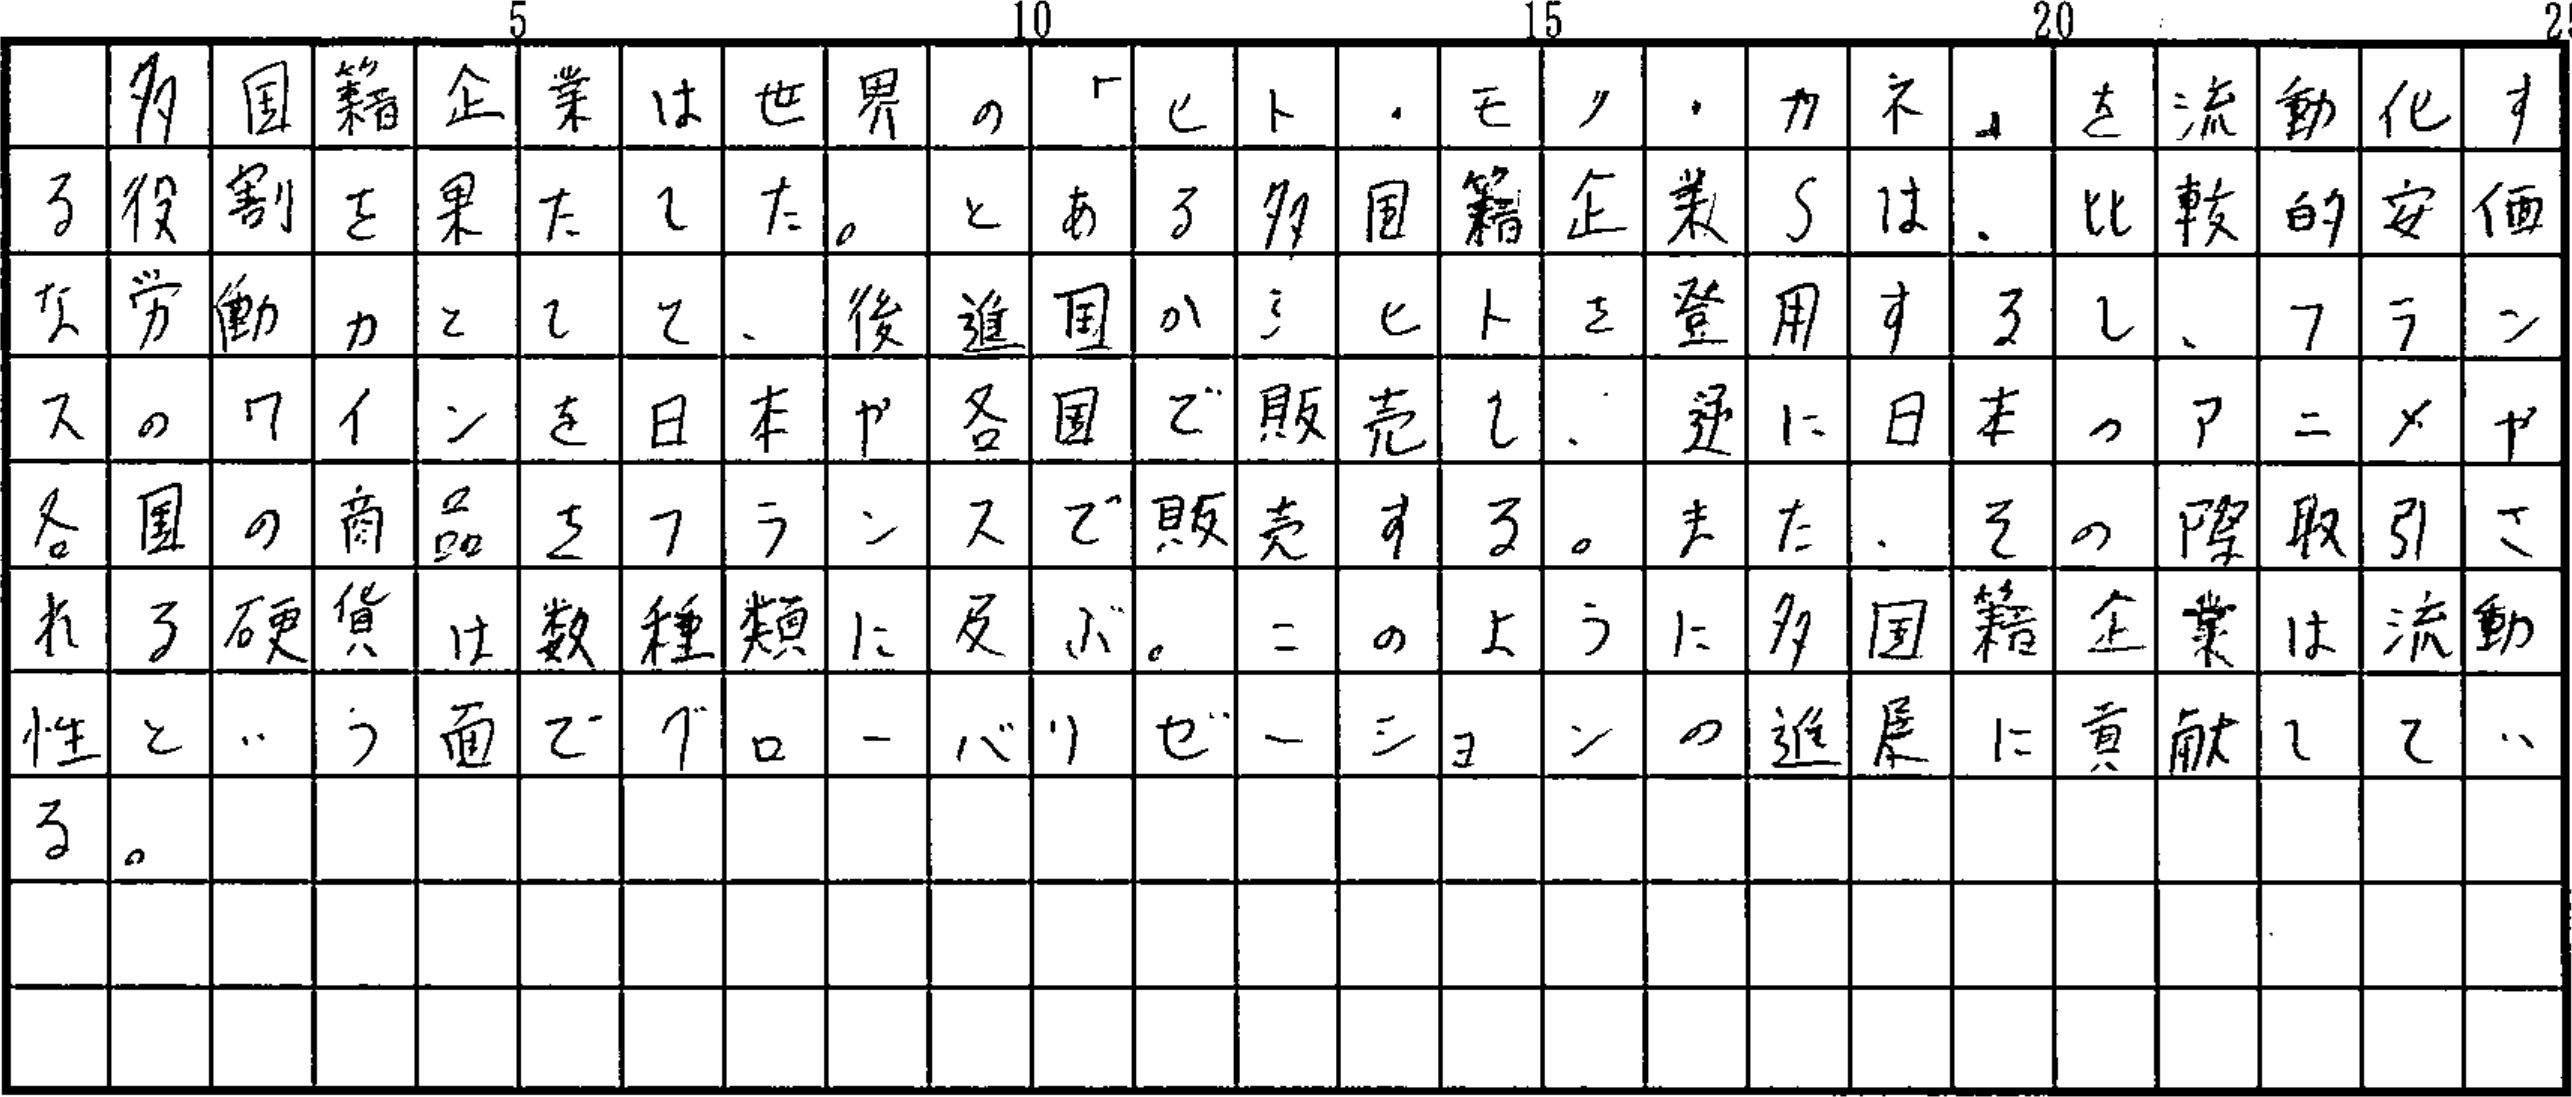　多国籍企業は世界の「ヒト・モノ・カネ」を流動化する役割を果たした。とある多国籍企業Ｓは、比較的安価な労働力として、後進国からヒトを登用するし、フランスのワインを日本や各国で販売し、逆に日本のアニメや各国の商品をフランスで販売する。また、その際取引される硬貨は数種類に及ぶ。このように多国籍企業は流動性という面でグローバリゼーションの進展に貢献している。
